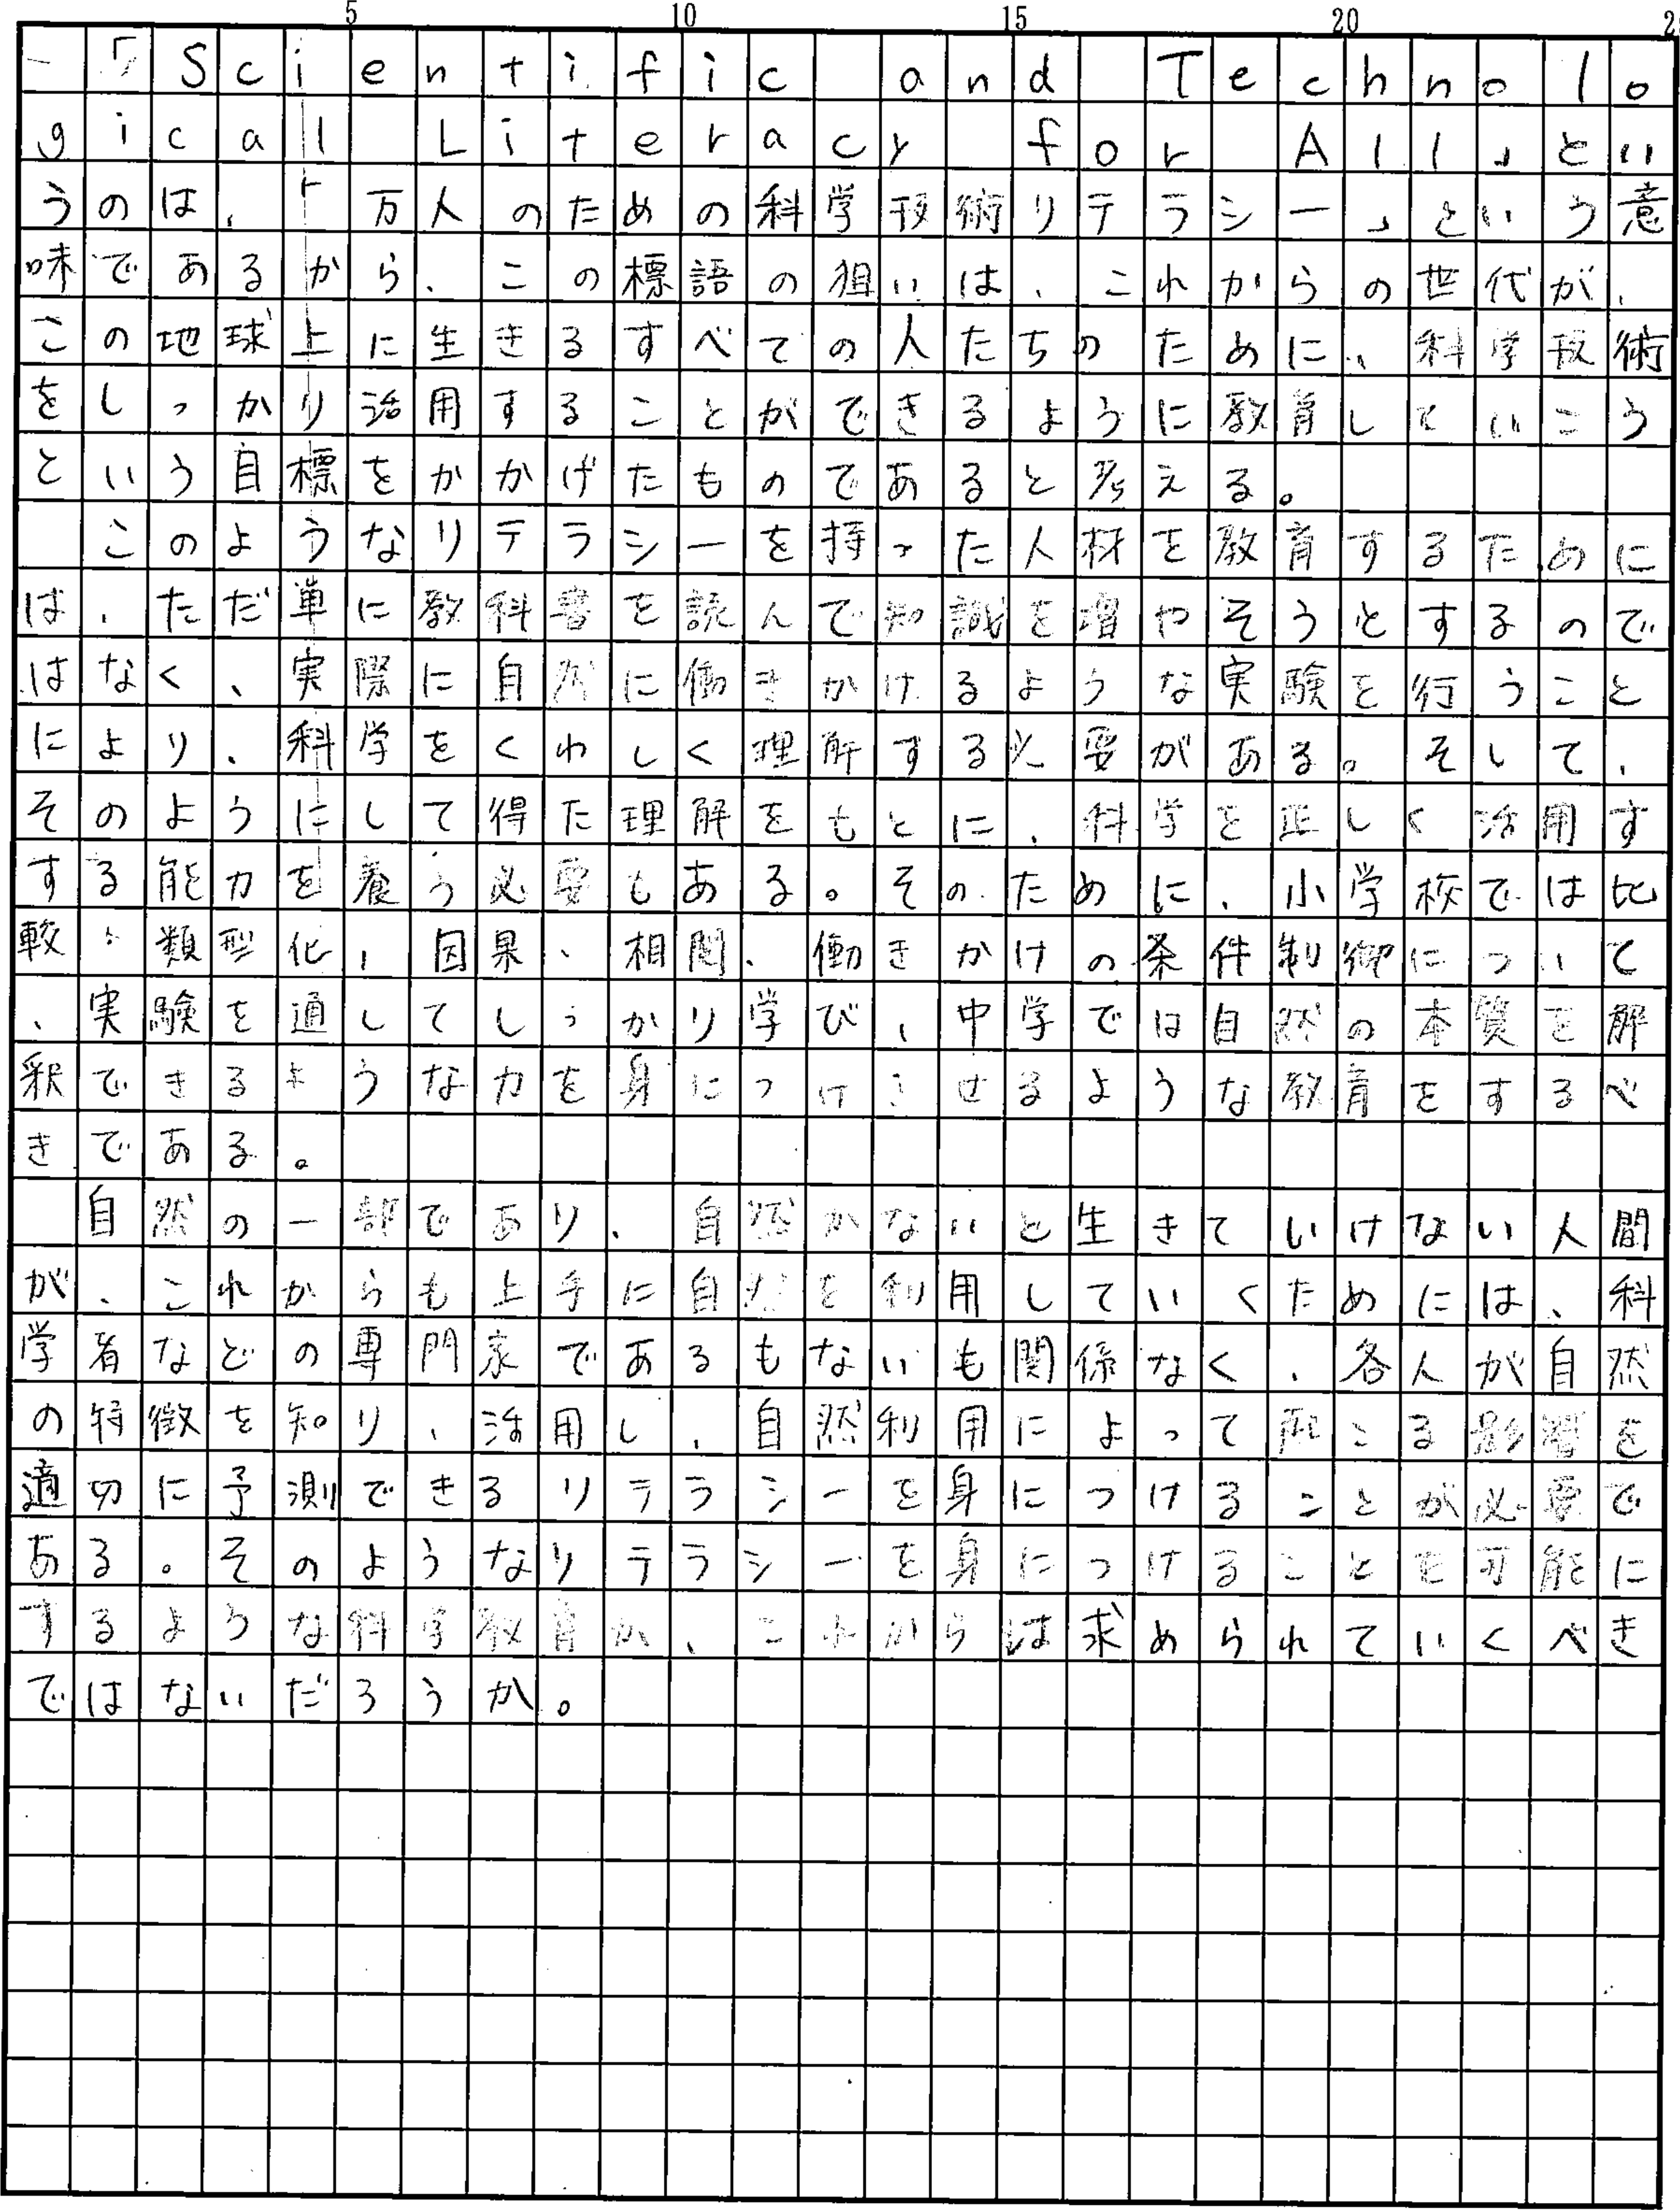　「Ｓｃｉｅｎｔｉｆｉｃ　ａｎｄ　Ｔｅｃｈｎｏｌｏｇｉｃａｌ　Ｌｉｔｅｒａｃｙ　ｆｏｒ　Ａｌｌ」というのは、「万人のための科学技術リテラシー」という意味であるから、この標語の狙いは、これからの世代が、この地球上に生きるすべての人たちのために、科学技術をしっかり活用することができるように教育していこうという目標をかかげたものであると考える。
　このようなリテラシーを持った人材を教育するためには、ただ単に教科書を読んで知識を増やそうとするのではなく、実際に自然に働きかけるような実験を行うことにより、科学をくわしく理解する必要がある。そして、そのようにして得た理解をもとに、科学を正しく活用する能力を養う必要もある。そのために、小学校では比較・類型化、因果・相関、働きかけの条件制御について、実験を通してしっかり学び、中学では自然の本質を解釈できるような力を身につけさせるような教育をするべきである。
　自然の一部であり、自然がないと生きていけない人間が、これからも上手に自然を利用していくためには、科学者などの専門家であるもないも関係なく、各人が自然の特徴を知り、活用し、自然利用によって起こる影響を適切に予測できるリテラシーを身につけることが必要である。そのようなリテラシーを身につけることを可能にするような科学教育が、これからは求められていくべきではないだろうか。
